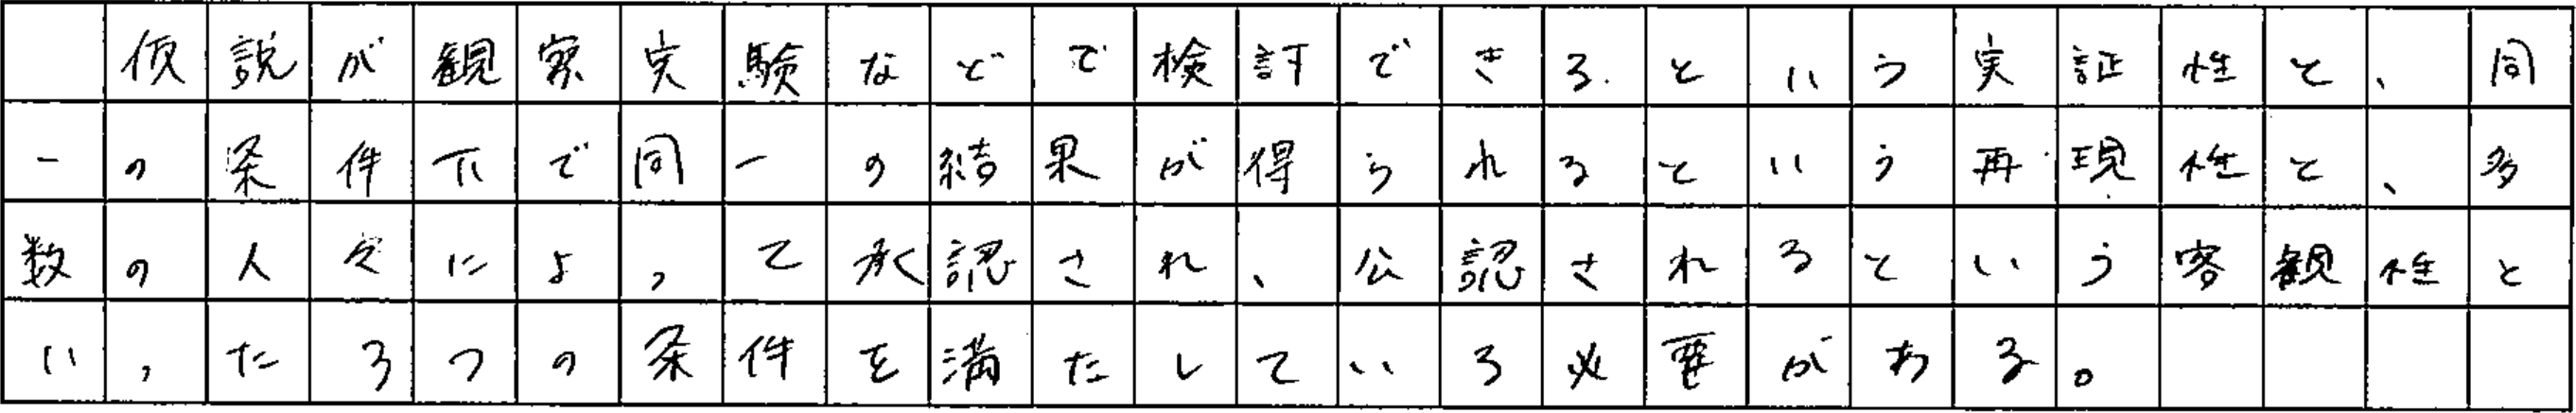　仮説が観察実験などで検討できるという実証性と、同一の条件下で同一の結果が得られるという再現性と、多数の人々によって承認され、公認されるという客観性といった３つの条件を満たしている必要がある。
